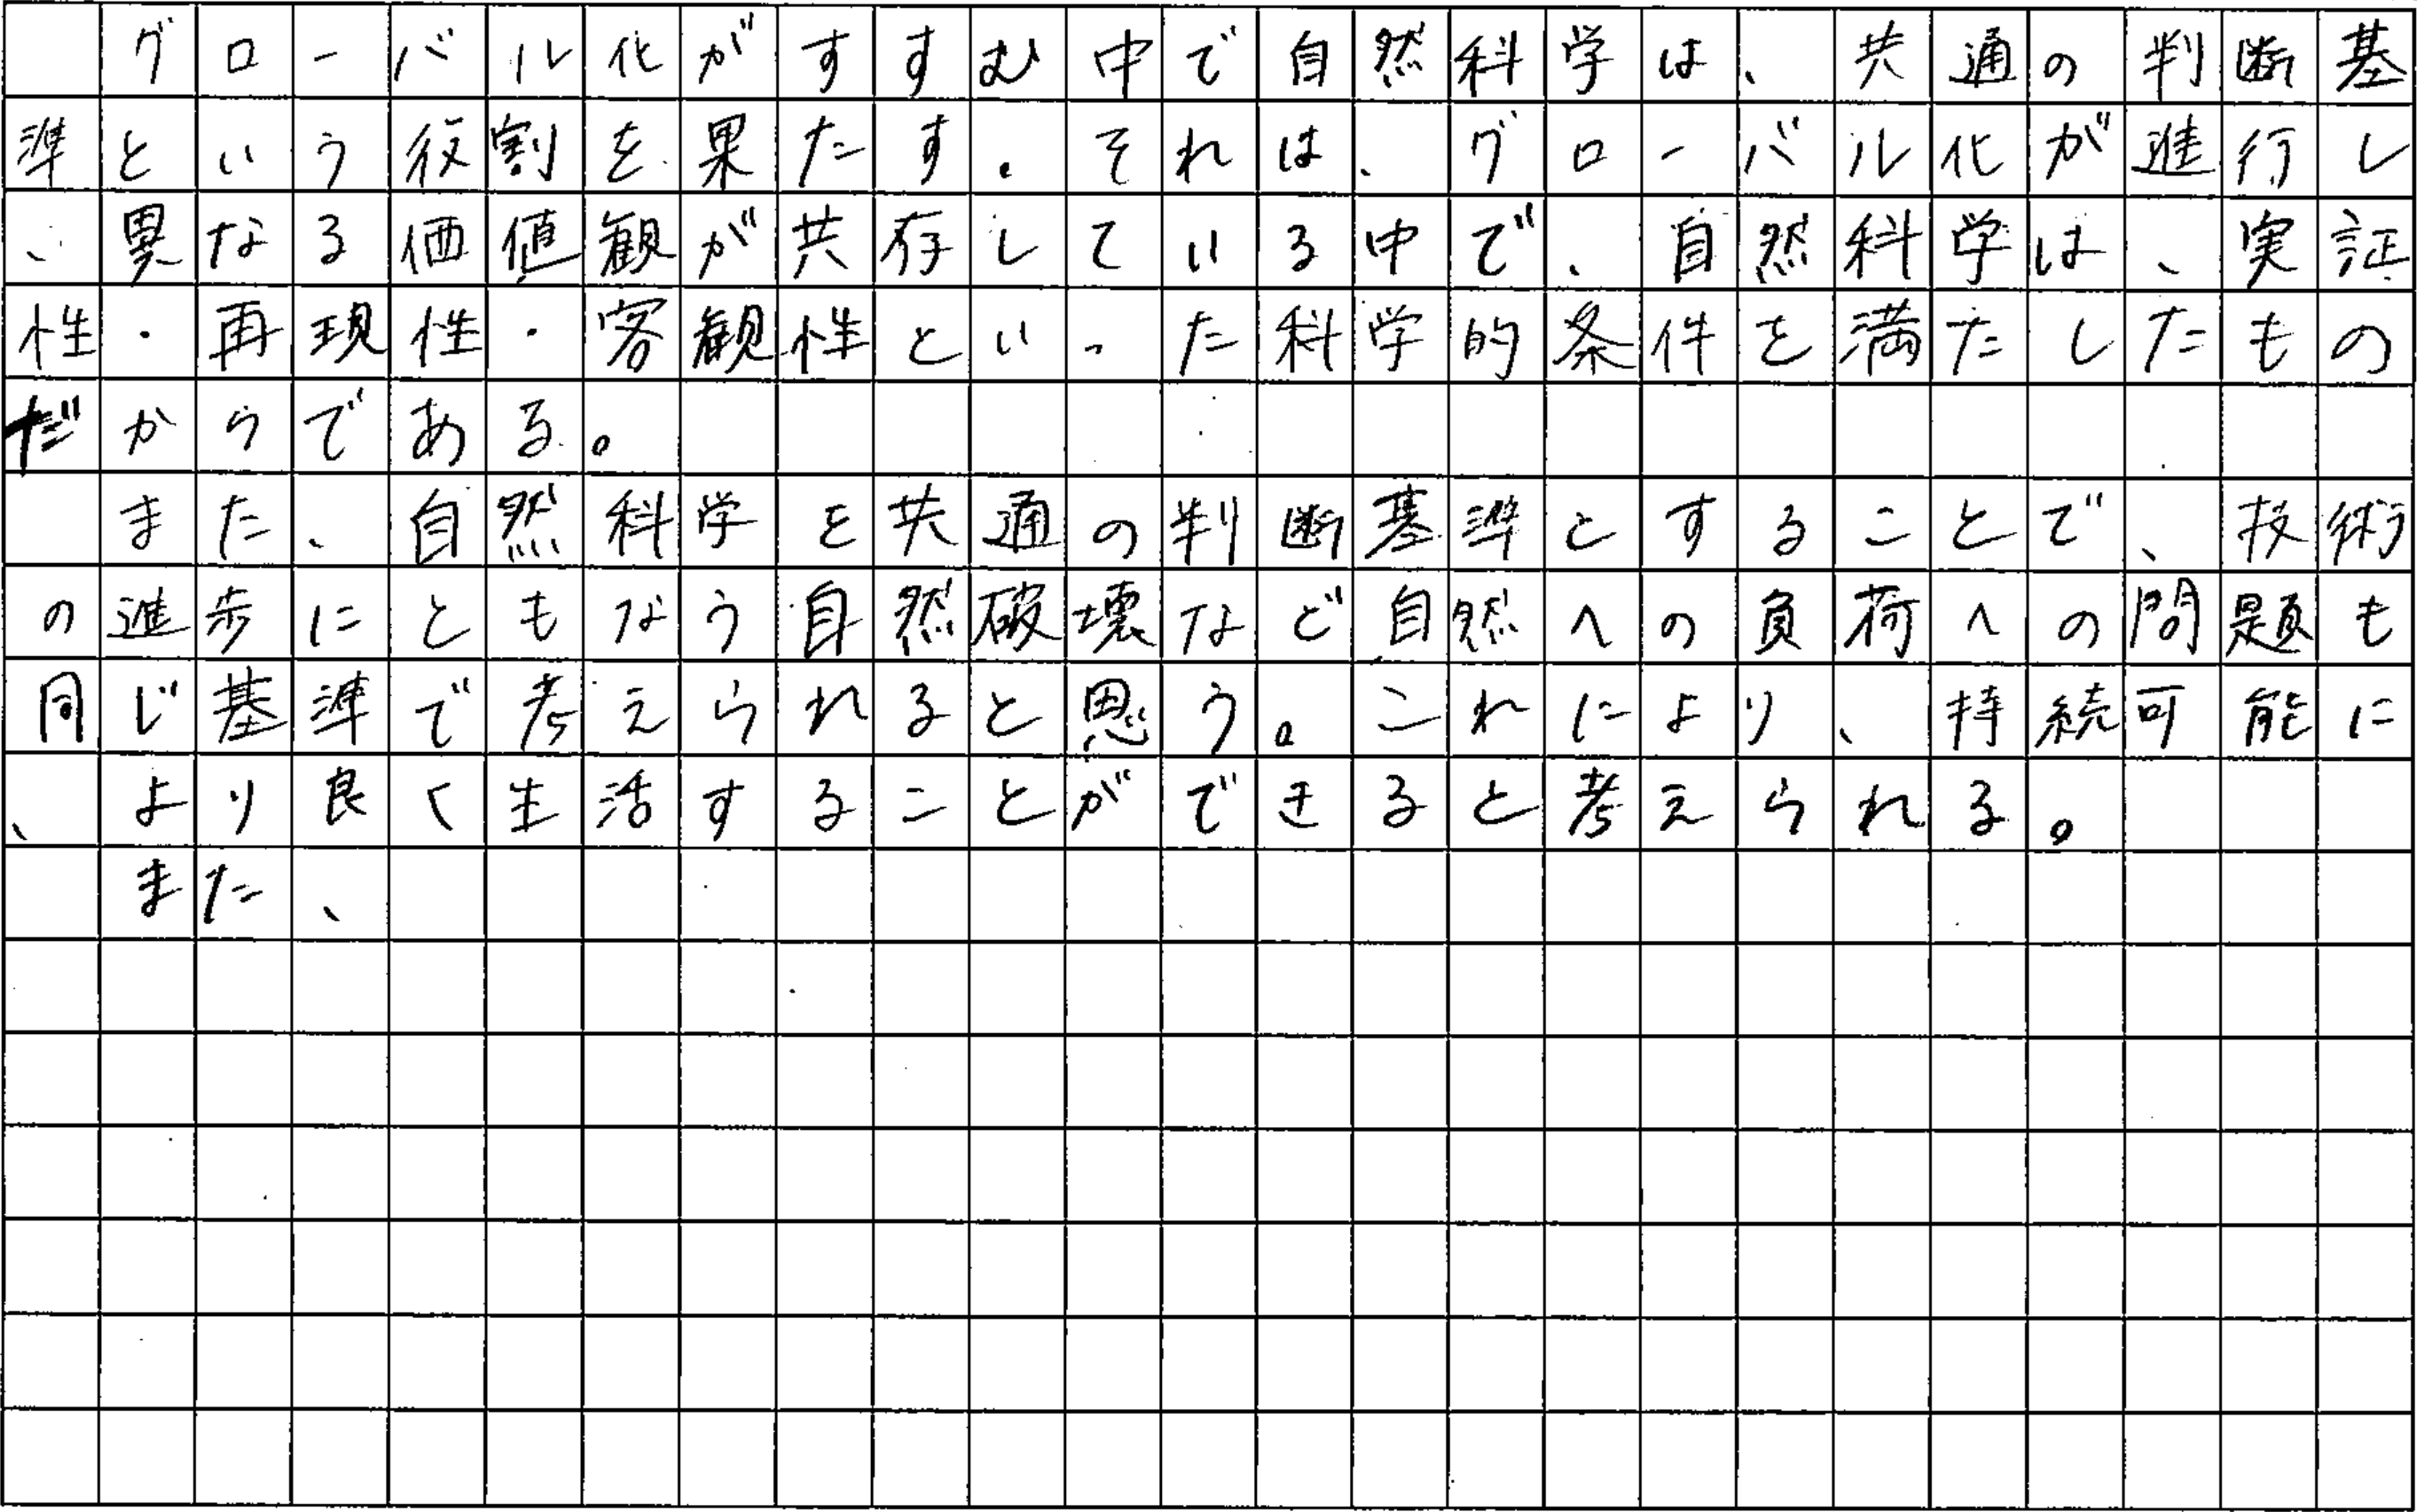 　グローバル化がすすむ中で自然科学は、共通の判断基準という役割を果たす。それは、グローバル化が進行し、異なる価値観が共存している中で、自然科学は、実証性・再現性・客観性といった科学的条件を満たしたものだからである。
  また、自然科学を共通の判断基準とすることで、技術の進歩にともなう自然破壊など自然への負荷への問題も同じ基準で考えられると思う。これにより、持続可能に、より良く生活することができると考えられる。
　また、
